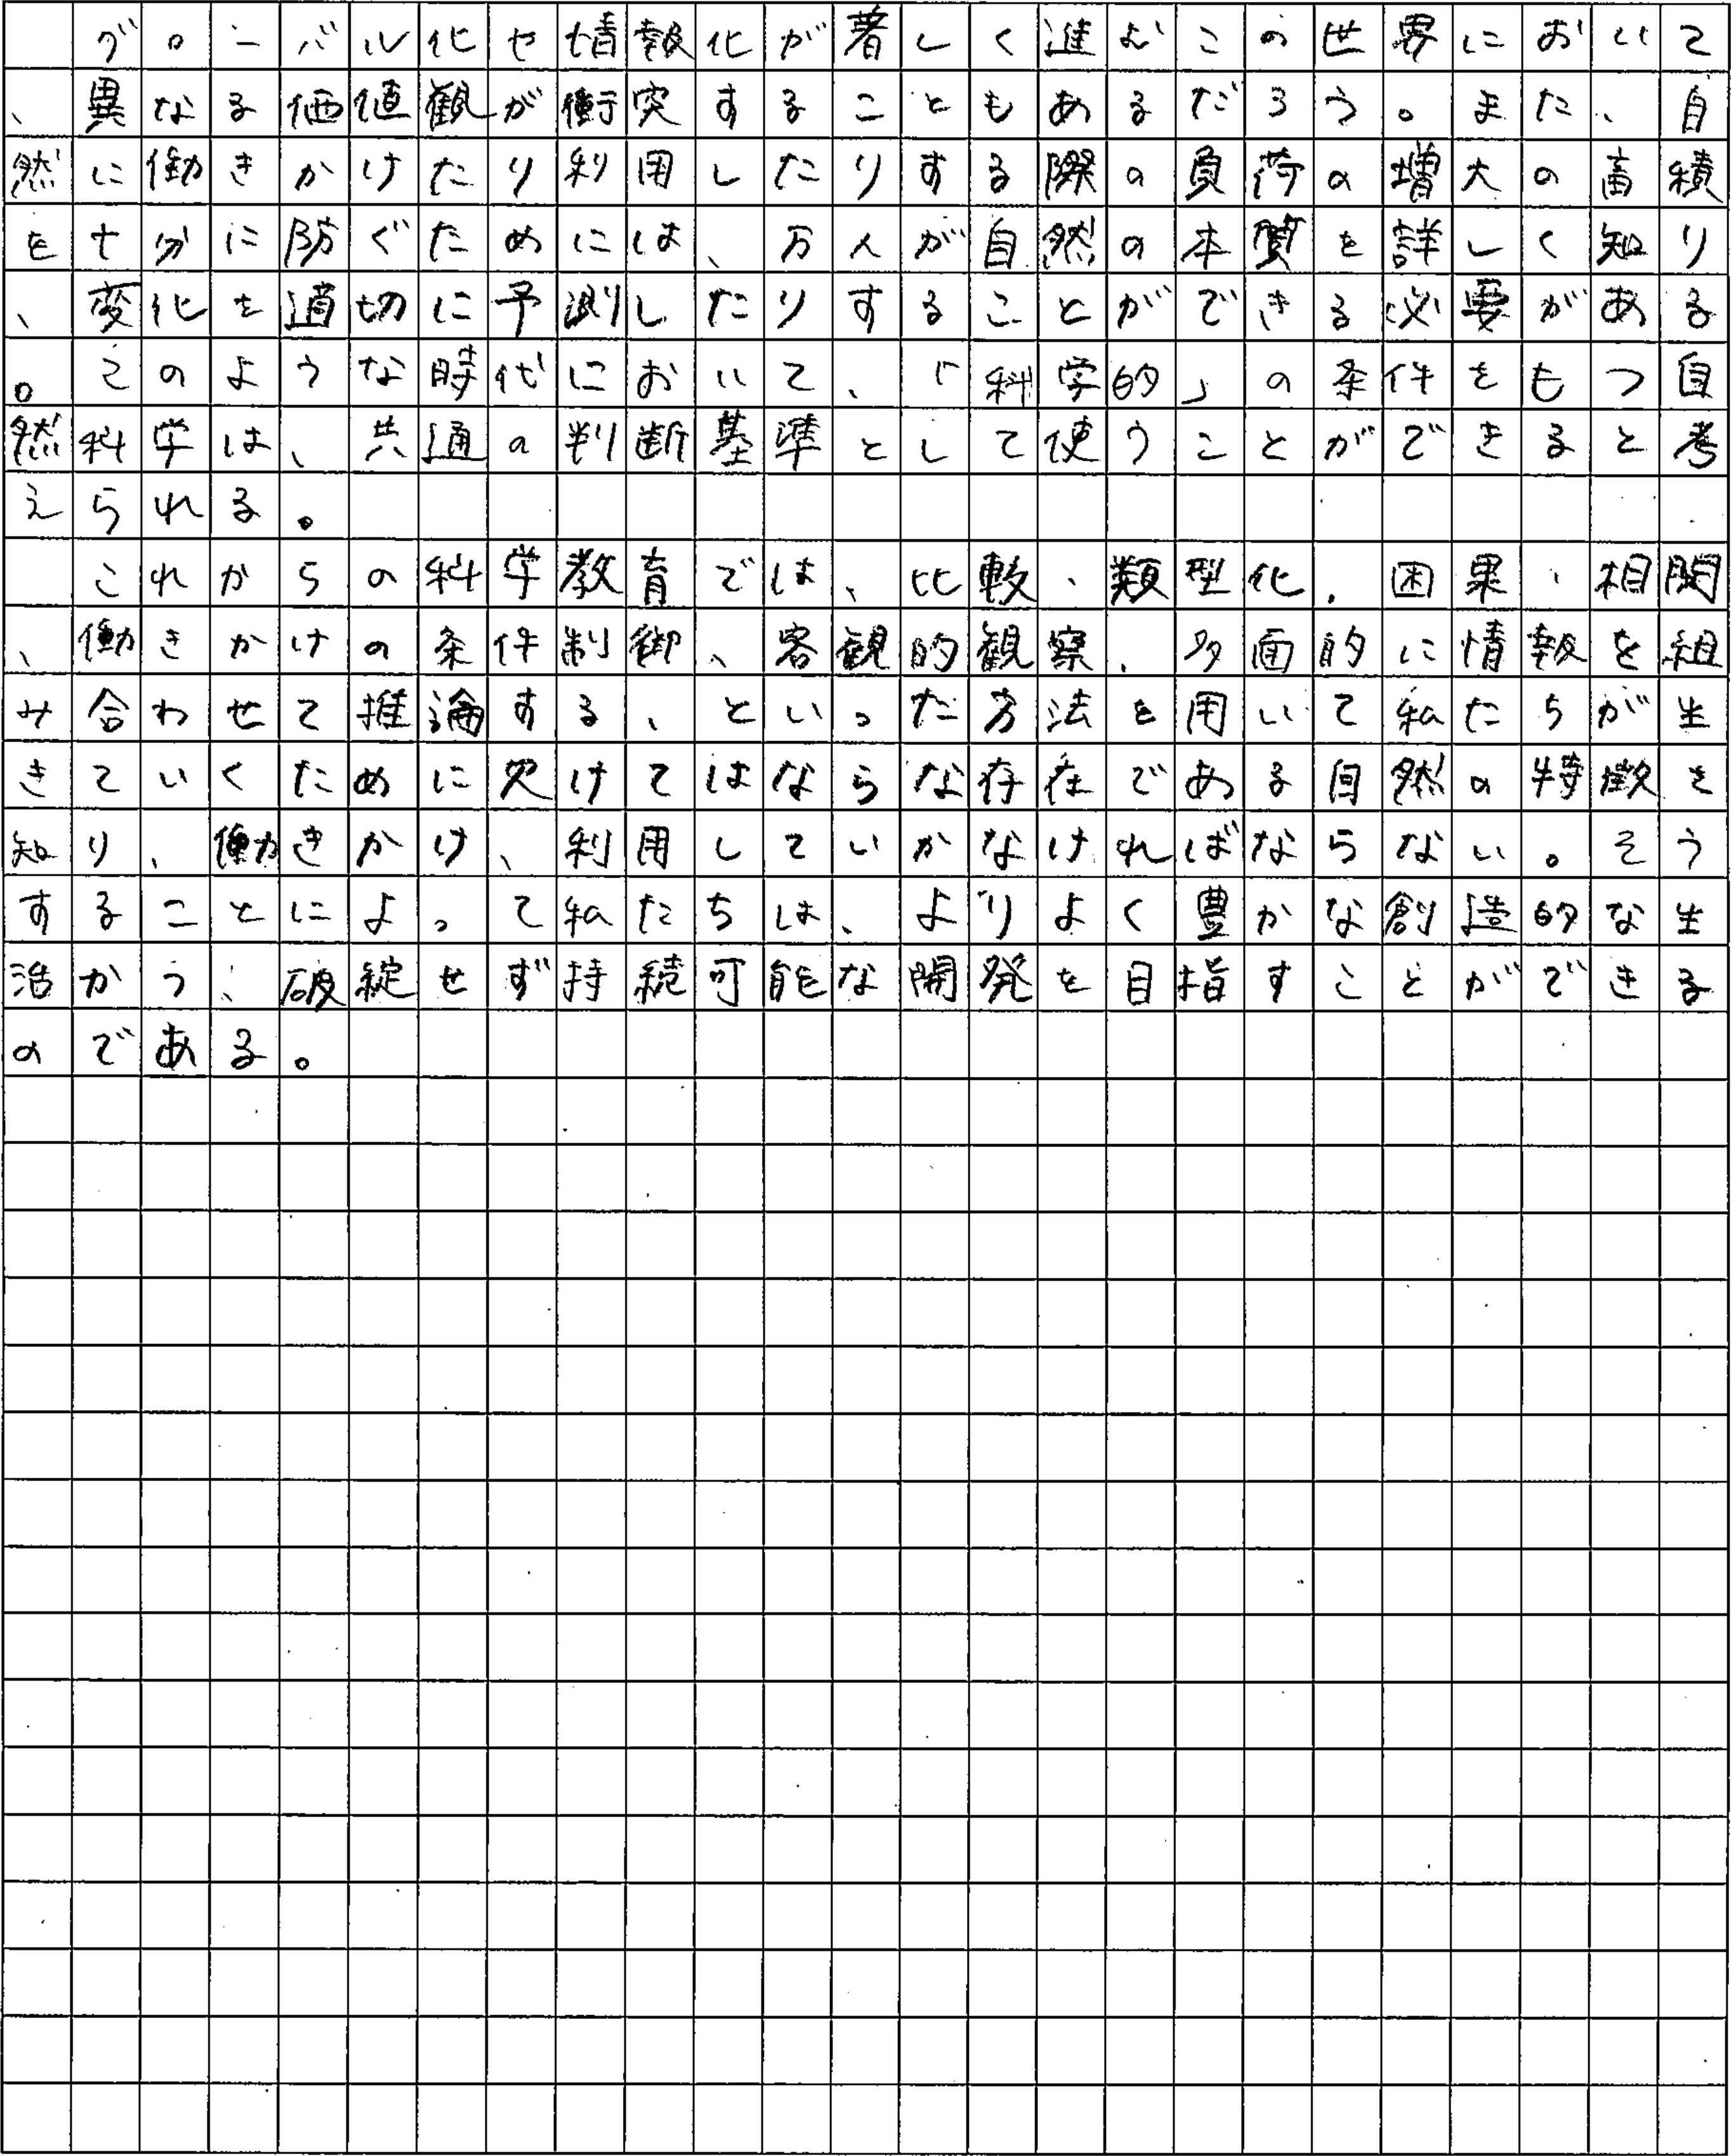　グローバル化や情報化が著しく進むこの世界において、異なる価値観が衝突することもあるだろう。また、自然に働きかけたり利用したりする際の負荷の増大の畜積を十分に防ぐためには、万人が自然の本質を詳しく知り、変化を適切に予測したりすることができる必要がある。このような時代において、「科学的」の条件をもつ自然科学は、共通の判断基準として使うことができると考えられる。
　これからの科学教育では、比較・類型化、困果・相関、働きかけの条件制御、客観的観察、多面的に情報を組み合わせて推論する、といった方法を用いて私たちが生きていくために欠けてはならな存在である自然の特徴を知り、働きかけ、利用していかなければならない。そうすることによって私たちは、よりよく豊かな創造的な生活かつ、破綻せず持続可能な開発を目指すことができるのである。
